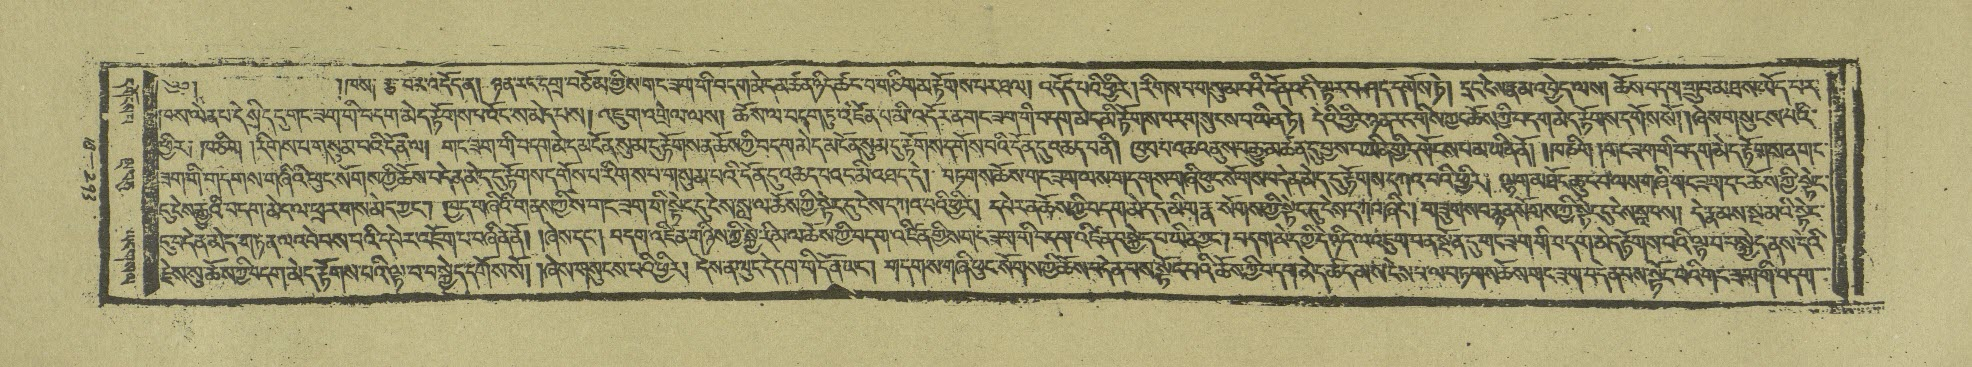༄༅། །ཁས། རྩ་བར་འདོད་ན། ཉན་རང་དགྲ་བཅོམ་གྱིས་གང་ཟག་གི་བདག་མེད་མཚན་ཉིད་ཚང་བ་གཅིག་མ་རྟོགས་པར་ཐལ། འདོད་པའི་ཕྱིར། རིགས་པ་གསུམ་པའི་དོན་འདི་ལྟར་བཤད་དགོས་ཏེ། དྲང་ངེས་རྣམ་འབྱེད་ལས། ཆོས་བདག་གྲུབ་མཐས་ཡོད་པར་
ཁས་ལེན་པ་དེ་སྲིད་དུ་གང་ཟག་གི་བདག་མེད་རྟོགས་པའོང་ས་མེད་པས། འཇུག་འགྲེལ་ལས། ཆོས་ལ་བདག་ཏུ་འཛིན་པ་མི་འདོར་ན་གང་ཟག་གི་བདག་མེད་མི་རྟོགས་པར་གསུངས་པ་ཡིན་ཏེ། དེའི་ཕྱིར་ཉན་རང་གིས་ཀྱང་ཆོས་ཀྱི་བདག་མེད་རྟོགས་དགོས་སོ། །ཞེས་གསུངས་པའི་
ཕྱིར། ཁ་ཅིག །རིགས་པ་གསུམ་པའི་དོན་ལ། གང་ཟག་གི་བདག་མེད་མངོན་སུམ་དུ་རྟོགས་ན་ཆོས་ཀྱི་བདག་མེད་མངོན་སུམ་དུ་རྟོགས་དགོས་པའི་དོན་དུ་འཆད་པ་ནི། ཁྱབ་པ་འཆའ་ནུས་པ་རྒྱུ་མཚན་དུ་བྱས་པ་ཡིན་གྱི་དགོངས་པ་མ་ཡིན་ནོ། །ཁ་ཅིག །གང་ཟག་གི་བདག་མེད་རྟོགས་ན་གང་
ཟག་གི་བདགས་གཞིའི་ཕུང་སོགས་ཀྱི་ཆོས་བདེན་མེད་དུ་རྟོགས་དགོས་པ་རིགས་པ་གསུམ་པའི་དོན་དུ་འཆད་པའང་མི་འཐད་དེ། བཏགས་ཆོས་གང་ཟག་ལས་གདགས་གཞི་ཕུང་སོགས་བདེན་མེད་དུ་རྟོགས་དཀའ་བའི་ཕྱིར། ལྷག་མཐོང་ཆུང་བ་ལས་གཞི་གང་ཟག་དང་ཆོས་ཀྱི་སྟེང་
དུ་ངེས་རྒྱུའི་བདག་མེད་ལ་ཕྲ་རགས་མེད་ཀྱང་། ཁྱད་གཞིའི་གནས་ཀྱིས་གང་ཟག་གི་སྟེང་དུ་ངེས་སླ་ལ་ཆོས་ཀྱི་སྟེང་དུ་ངེས་དཀའ་བའི་ཕྱིར། དཔེར་ན་ཆོས་ཀྱི་བདག་མེད་དེ་མིག་རྣ་སོགས་ཀྱི་སྟེང་དུ་ངེས་དཀར་ཞིང་། གཟུགས་བརྙན་སོགས་ཀྱི་སྟེང་དུ་ངེས་སླབས། དེ་རྣམས་སྔ་མའི་སྟེང་
དུ་བདེན་མེད་གཏན་ལ་འབེབས་པའི་དཔེར་འཇོག་པ་བཞིན་ནོ། །ཞེས་དང་། བདག་འཛིན་གཉིས་ཀྱི་སྐྱེ་རིམ་ལ་ཆོས་ཀྱི་བདག་འཛིན་གྱིས་གང་ཟག་གི་བདག་འཛིན་བསྐྱེད་པ་ཡིན་ཀྱང་། བདག་མེད་ཀྱི་དེ་ཉིད་ལ་འཇུག་པ་ན་སྔོན་དུ་གང་ཟག་གི་བདག་མེད་རྟོགས་པའི་ལྟ་བ་བསྐྱེད་ནས་དེའི་
རྗེས་སུ་ཆོས་ཀྱི་བདག་མེད་རྟོགས་པའི་ལྟ་བ་བསྐྱེད་དགོས་སོ། །ཞེས་གསུངས་པའི་ཕྱིར། དེས་ན་ལུང་དེ་དག་གི་དོན་ཡང་། གདགས་གཞི་ཕུང་སོགས་ཀྱི་ཆོས་བདེན་པས་སྟོང་པའི་ཆོས་ཀྱི་བདག་མེད་ཚད་མས་ངེས་པ་ལ་བཏགས་ཆོས་གང་ཟག་བདེན་པས་སྟོང་པའི་གང་ཟག་གི་བདག་